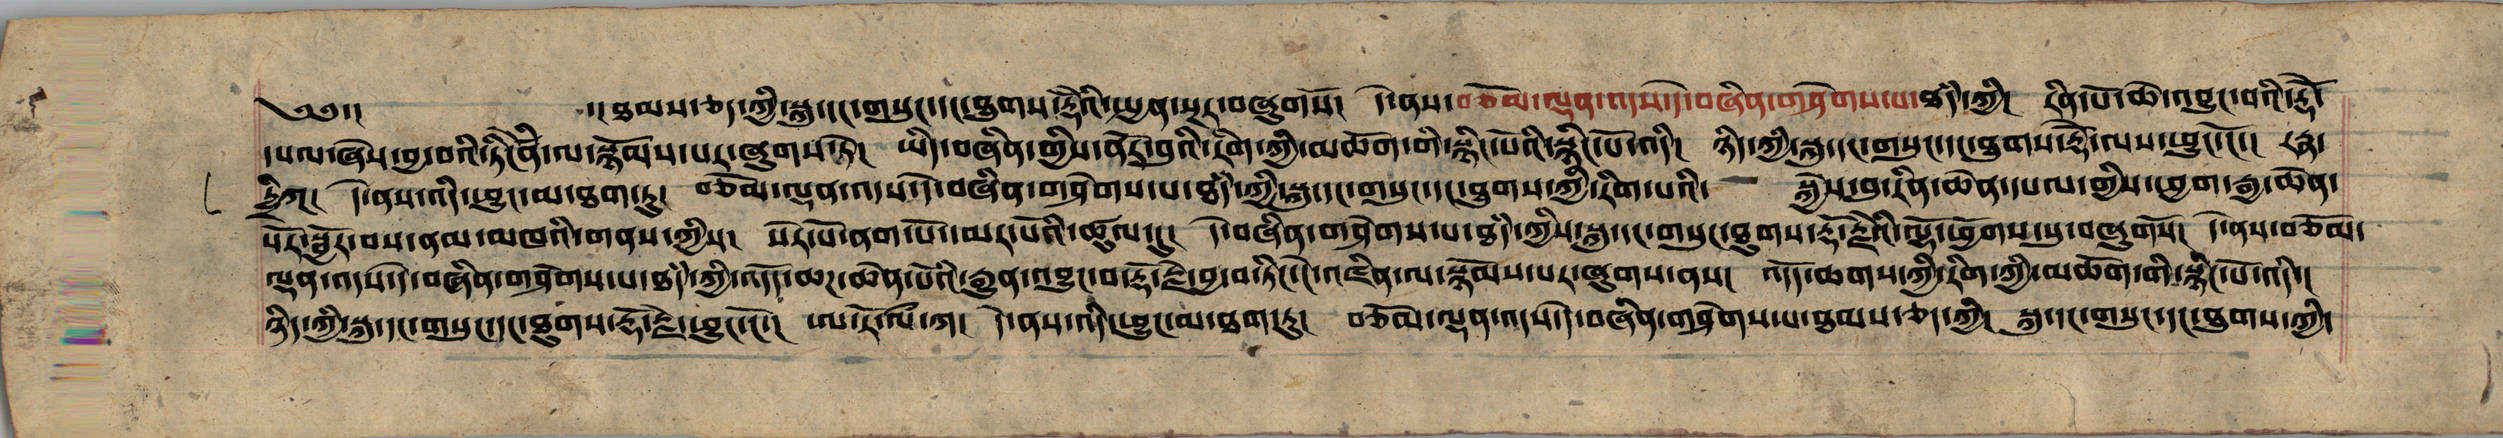༄༅་། ་།ཐམས་ཅད་ཀྱི་སྐུ་དང་གསུང་དང་ཐུགས་རྡོེའི་སྤྱན་སྔར་བཞུགསོ། དེ་ནས་བཅོམ་ལྡན་འདས་དེ་བཞིན་གཤེགས་པ་ཐཾད་ཀྱི། རིན་པོ་ཆེ་འབྱུང་བའི་རྡོེ་
དཔལ་ཞེས་བྱ་བའི་ཏིངེནི་ལ་སྙོམས་པར་ཞུགས་ཏེ་། ཡིད་བཞིན་གྱིས་ནོར་བུའི་རིག་ཀྱི་མཆོག་གི་སྙིང་པོའི་སྙིང་པོ་འདི་། ཉིད་ཀྱི་སྐུ་དང་གསུང་དང་ཐུགས་རྡོེ་ལས་ཕྱུང་ངོ་། རཏྣ་
ཏྱིཀ་། དེ་ནས་འདི་ཕྱུང་མ་ཐག་ཏུ། བཅོམ་ལྡན་འདས་དེ་བཞིན་གཤེགས་པ་ཐཾད་ཀྱི་སྐུ་དང་གསུང་དང་ཐུགས་ཀྱི་རིག་པའི་ སྐྱེས་བུ་རིན་ཆེན་དཔལ་གྱིས་ཕྱག་རྒྱ་ཆེན་
སོར་སྦྱོར་བས་ནམ་མཁའི་གནས་ཀྱིས། སེར་པོ་ནག་པོ་དམར་པོའི་ཚུལ་དུ། དེ་བཞིན་གཤེགས་པ་ཐཾད་ཀྱིས་སྐུ་དང་གསུང་ཐུགས་རྡོ་རྗེའི་ལྷོ་ཕྱོགས་སུ་བཞུགསོ། དེ་ནས་བཅོམ་
ལྡན་འདས་དེ་བཞིན་གཤེགས་པ་ཐཾད་ཀྱི་འདོད་ཆཌ་ཆེན་པོའི་རྒྱུན་འབྱུང་བ་རྡོ་རྗེ་བྱ་བ་ཏིང་ངེ་འཛིན་ལ་སྙོམས་པར་ཞུགས་ནས། འདོད་ཆགས་ཀྱི་རིག་ཀྱི་མཆོག་གི་སྙིང་པོ་འདི་།
ཉིད་ཀྱི་སྐུ་དང་གསུང་དང་ཐུགས་རྡོ་རྗེ་ཕྱུང་ངོ་། ཨ་རོ་ལྀ་ཀ། དེ་ནས་འདི་ཕྱུང་མ་ཐག་ཏུ། བཅོམ་ལྡན་འདས་དེ་བཞིན་གཤེགས་པ་ཐམས་ཅད་ཀྱི། སྐུ་དང་གསུང་དང་ཐུགས་ཀྱི་